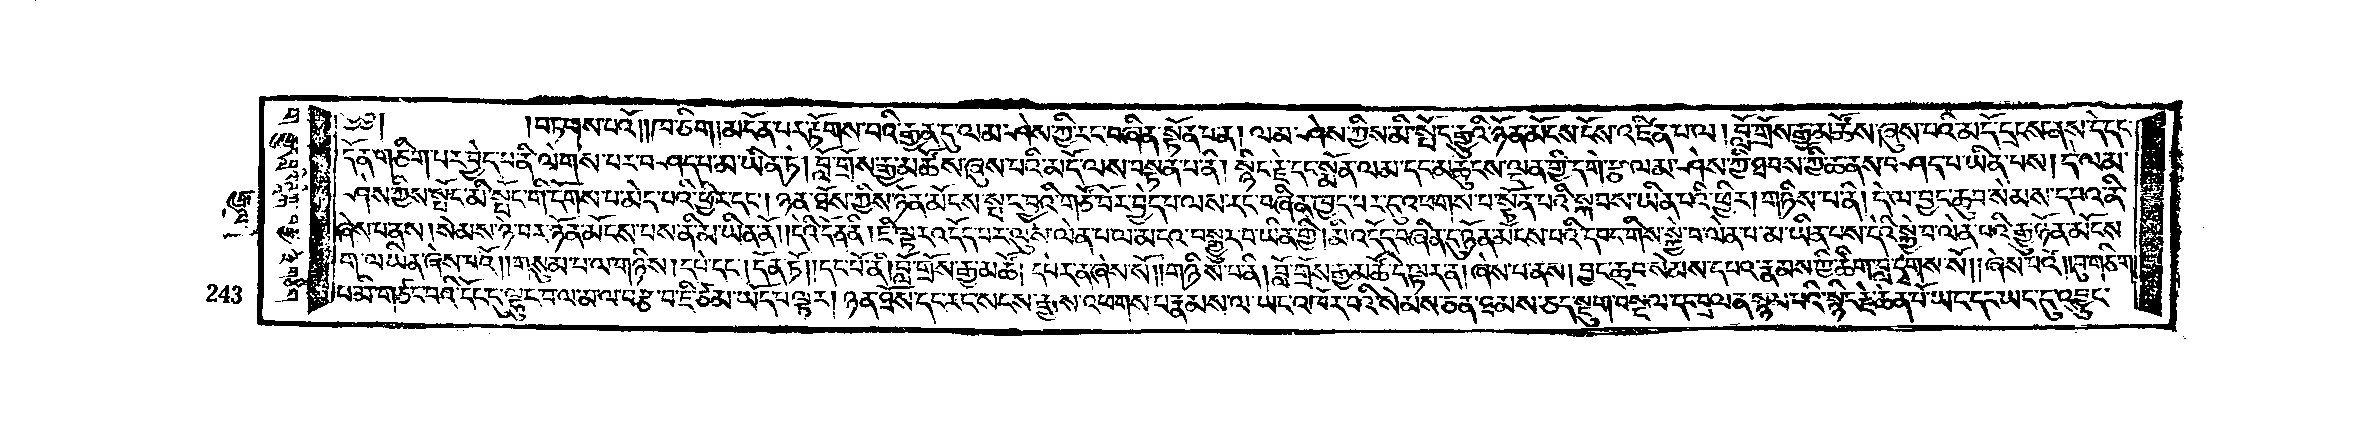༄༅། །བཏགས་པའོ། །ཁ་ཅིག །མངོན་པར་རྟོགས་པའི་རྒྱན་དུ་ལམ་ཤེས་ཀྱི་རང་བཞིན་སྟོན་པ་ན། ལམ་ཤེས་ཀྱིས་མི་སྤོང་རྒྱུའི་ཉོན་མོངས་ངོས་འཛིན་པ་ལ། བློ་གྲོས་རྒྱ་མཚོས་ཞུས་པའི་མདོ་དྲངས་ནས་དེ་དང་
དོན་གཅིག་པར་བྱེད་པ་ནི་ལེགས་པར་བཤད་པ་མ་ཡིན་ཏེ། བློ་གྲོས་རྒྱ་མཚོས་ཞུས་པའི་མདོ་ལས་བསྟན་པ་ནི། སྙིང་རྗེ་དང་སྨོན་ལམ་དང་མཚུངས་ལྡན་གྱི་དགེ་རྩ་ལམ་ཤེས་ཀྱི་ཐབས་ཀྱི་ཆ་ནས་བཤད་པ་ཡིན་པས། དེ་ལམ་
ཤེས་ཀྱིས་སྤོང་མི་སྤོང་གི་དོགས་པ་མེད་པའི་ཕྱིར་དང་། ཉན་ཐོས་ཀྱིས་ཉོན་མོངས་སྤང་བྱའི་གཙོ་བོར་བྱེད་པ་ལས་རང་བཞིན་ཁྱད་པར་དུ་འཕགས་པ་སྟོན་པའི་སྐབས་ཡིན་པའི་ཕྱིར། གཉིས་པ་ནི། དེ་ལ་བྱང་ཆུབ་སེམས་དཔའ་ནི་
ཞེས་པ་ནས། སེམས་ཉེ་བར་ཉོན་མོངས་པས་ནི་མ་ཡིན་ནོ། །དེའི་དོན་ནི། ཇི་ལྟར་འདོད་པར་ལུས་ལེན་པ་ལ་མངའ་བསྒྱུར་བ་ཡིན་གྱི་།མི་འདོད་བཞིན་དུ་ཉོན་མོངས་པའི་དབང་གིས་སྐྱེ་བ་ལེན་པ་མ་ཡིན་པས་དེའི་སྐྱེ་བ་ལེན་པའི་རྒྱུ་ཉོན་མོངས་
ག་ལ་ཡིན་ཞེས་པའོ། །གསུམ་པ་ལ་གཉིས། དཔེ་དང་། དོན་ཏོ། །དང་པོ་ནི། བློ་གྲོས་རྒྱ་མཚོ། དཔེར་ན་ཞེས་སོ། །གཉིས་པ་ནི། བློ་གྲོས་རྒྱ་མཚོ་དེ་ལྟར་ན། ཞེས་པ་ནས། བྱང་ཆུབ་སེམས་དཔའ་རྣམས་ཀྱི་ཚིགས་བླ་དྭགས་སོ། །ཞེས་པའོ། །བུ་གཅིག་
པ་མི་གཙང་བའི་དོང་དུ་ལྷུང་བ་ལ་མ་ལ་བརྩ་བ་ཇི་ཙམ་ཡོད་པ་ལྟར། ཉན་ཐོས་དང་རང་སངས་རྒྱས་འཕགས་པ་རྣམས་ལ་ཡང་འཁོར་བའི་སེམས་ཅན་ཐམས་ཅད་སྡུག་བསྔལ་དང་བྲལ་ན་སྙམ་པའི་སྙིང་རྗེ་ཆེན་པོ་ཡང་དང་ཡང་དུ་འབྱུང་